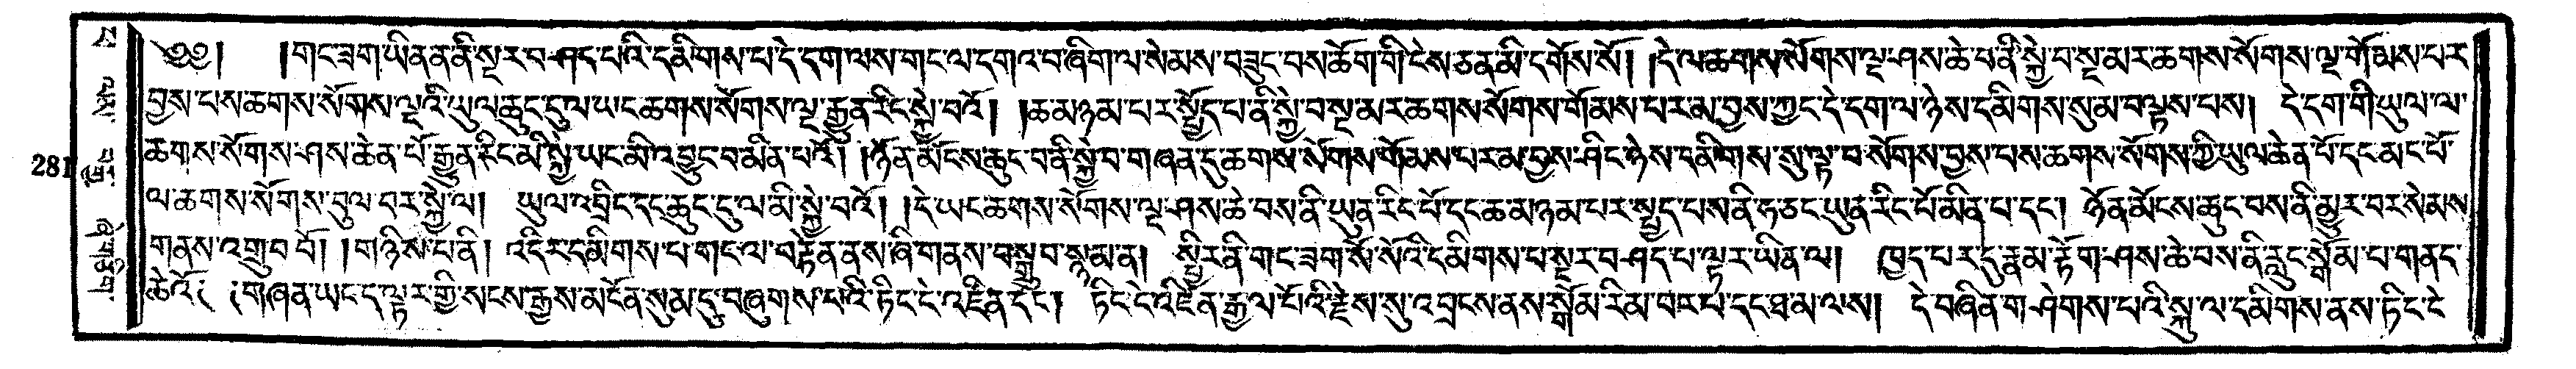༄༅། །གང་ཟག་ཡིན་ན་ནི་སྔར་བཤད་པའི་དམིགས་པ་དེ་དག་ལས་གང་ལ་དགའ་བ་ཞིག་ལ་སེམས་བཟུང་བས་ཆོག་གི་ངེས་ཅན་མི་དགོས་སོ། །དེ་ལ་ཆགས་སོགས་ལྔ་ཤས་ཆེ་པ་ནི་སྐྱེ་བ་སྔ་མར་ཆགས་སོགས་ལྔ་གོམས་པར་
བྱས་པས་ཆགས་སོགས་ལྔའི་ཡུལ་ཆུང་དུ་ལ་ཡང་ཆགས་སོགས་ལྔ་རྒྱུན་རིང་སྐྱེ་བའོ། །ཆ་མཉམ་པར་སྤྱོད་པ་ནི་སྐྱེ་བ་སྔ་མར་ཆགས་སོགས་གོམས་པར་མ་བྱས་ཀྱང་དེ་དག་ལ་ཉེས་དམིགས་སུ་མ་བལྟས་པས། དེ་དག་གི་ཡུལ་ལ་
ཆགས་སོགས་ཤས་ཆེན་པོ་རྒྱུན་རིང་མི་སྐྱེ་ཡང་མི་འབྱུང་བ་མིན་པའོ། །ཉོན་མོངས་ཆུང་བ་ནི་སྐྱེ་བ་གཞན་དུ་ཆགས་སོགས་གོམས་པར་མ་བྱས་ཤིང་ཉེས་དམིགས་སུ་ལྟ་བ་སོགས་བྱས་པས་ཆགས་སོགས་ཀྱི་ཡུལ་ཆེན་པོ་དང་མང་པོ་
ལ་ཆགས་སོགས་བུལ་བར་སྐྱེ་ལ། ཡུལ་འབྲིང་དང་ཆུང་དུ་ལ་མི་སྐྱེ་བའོ། །དེ་ཡང་ཆགས་སོགས་ལྔ་ཤེས་ཆེ་བས་ནི་ཡུན་རིང་པོ་དང་ཆ་མཉམ་པར་སྤྱད་པས་ནི་ཧ་ཅང་ཡུན་རིང་པོ་མིན་པ་དང་། ཉོན་མོངས་ཆུང་བས་ནི་མྱུར་བར་སེམས་
གནས་འགྲུབ་བོ། །གཉིས་པ་ནི། འདིར་དམིགས་པ་གང་ལ་བརྟེན་ནས་ཞི་གནས་བསྒྲུབ་སྙམ་ན། སྤྱིར་ནི་གང་ཟག་སོ་སོའི་དམིགས་པ་སྔར་བཤད་པ་ལྟར་ཡིན་ལ། ཁྱད་པར་དུ་རྣམ་རྟོག་ཤས་ཆེ་བས་ནི་རླུང་སྒོམ་པ་གནང་
ཆེའོ༑ ༑གཞན་ཡང་ད་ལྟར་གྱི་སངས་རྒྱས་མངོན་སུམ་དུ་བཞུགས་པའི་རིང་ངེ་འཛིན་དང་། རིང་དེ་འཛིན་རྒྱལ་པོའི་རྗེས་སུ་འབྲངས་ནས་སྒོམ་རིམ་བར་པ་དང་ཐ་མ་ལས། དེ་བཞིན་གཤེགས་པའི་སྐུ་ལ་དམིགས་ནས་ཏིང་ངེ་